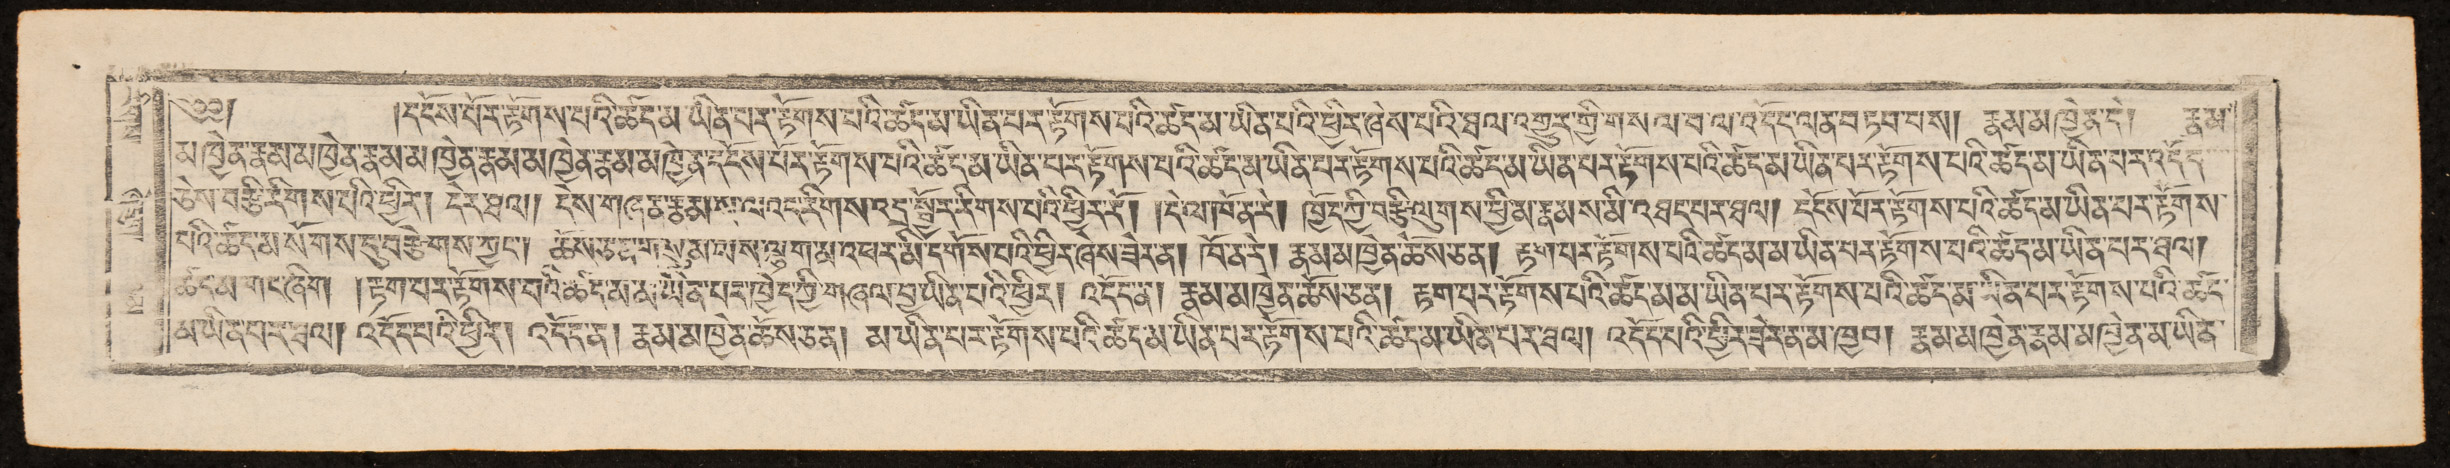༄༅། །དངོས་པོར་རྟོགས་པའི་ཚད་མ་ཡིན་པར་རྟོགས་པའི་ཚད་མ་ཡིན་པར་རྟོགས་པའི་ཚད་མ་ཡིན་པའི་ཕྱིར་ཞེས་པའི་ཐལ་འགྱུར་གྱི་གསལ་བ་ལ་འདོད་ལན་བཏབ་པས། རྣམ་མཁྱེན་དེ། རྣམ་
མཁྱེན་རྣམ་མཁྱེན་རྣམ་མཁྱེན་རྣམ་མཁྱེན་རྣམ་མཁྱེན་དངོས་པོར་རྟོགས་པའི་ཚད་མ་ཡིན་པར་རྟོགས་པའི་ཚད་མ་ཡིན་པར་རྟོགས་པའི་ཚད་མ་ཡིན་པར་རྟོགས་པའི་ཚད་མ་ཡིན་རྟོགས་པའི་ཚད་མ་ཡིན་པར་འདོད་
ཅེས་བརྩི་རིགས་པའི་ཕྱིར། དེར་ཐལ། དེས་གཞན་རྣམས་ལའང་རིགས་འདྲ་སྦྱོར་རིགས་པའི་ཕྱིར་རོ། །དེ་ལ་ཁོ་ན་རེ། ཁྱོད་ཀྱི་བརྩི་ལུགས་ཕྱི་མ་རྣམས་མི་འཐད་པར་ཐལ། དངོས་པོར་རྟོགས་པའི་ཚད་མ་ཡིན་པར་རྟོགས་
པའི་ཚད་མ་སོགས་དུ་བརྩེགས་ཀྱང་། ཆོས་ཅན་གསུམ་ལས་ལྷག་མ་འཕར་མི་དགོས་པའི་ཕྱིར་ཞེས་ཟེར་ན། ཁོ་ན་རེ། རྣམ་མཁྱེན་ཆོས་ཅན། རྟག་པར་རྟོགས་པའི་ཚད་མ་མ་ཡིན་པར་རྟོགས་པའི་ཚད་མ་ཡིན་པར་ཐལ།
ཚད་མ་གང་ཞིག །རྟག་པར་རྟོགས་པའི་ཚད་མ་མ་ཡིན་པར་ཁྱོད་ཀྱི་གཞལ་བྱ་ཡིན་པའི་ཕྱིར། འདོད་ན། རྣམ་མཁྱེན་ཆོས་ཅན། རྟག་པར་རྟོགས་པའི་ཚད་མ་ཡིན་པར་རྟོགས་པའི་ཚད་མ་ཡིན་པར་རྟོགས་པའི་ཚད་
མ་ཡིན་པར་ཐལ། འདོད་པའི་ཕྱིར། འདོད་ན། རྣམ་མཁྱེན་ཆོས་ཅན། མ་ཡིན་པར་རྟོགས་པའི་ཚད་མ་ཡིན་པར་རྟོགས་པའི་ཚད་མ་ཡིན་པར་ཐལ། འདོད་པའི་ཕྱིར་ཟེར་ན་མ་ཁྱབ། རྣམ་མཁྱེན་རྣམ་མཁྱེན་མ་ཡིན་